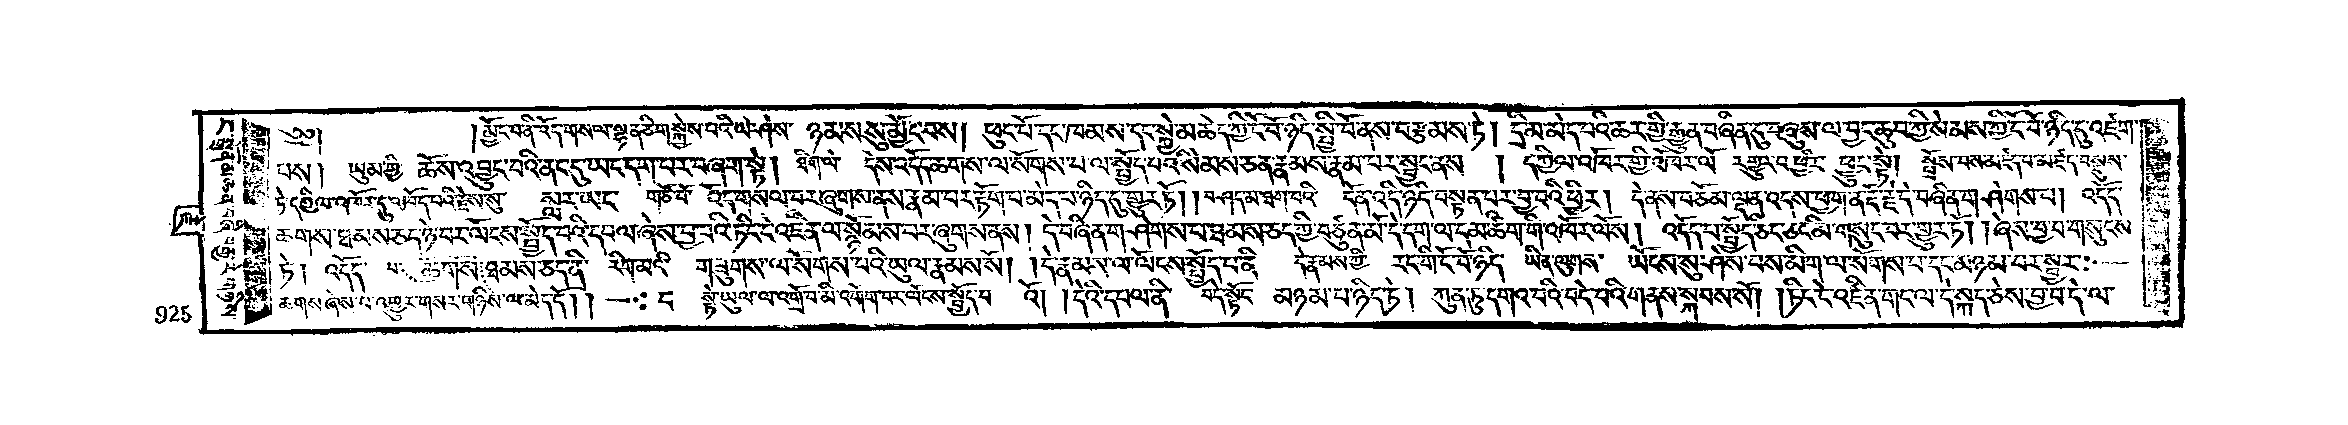༄༅། །མྱོང་བ་ནི་འོད་གསལ་ལྷན་ཅིག་སྐྱེས་པའི་ཡེ་ཤེས་ཉམས་སུ་མྱོང་བས། ཕུང་པོ་དང་ཁམས་དང་སྐྱེ་མཆེད་ཀྱི་ངོ་བོ་ཉིད་སྤྱི་བོ་ནས་བརྩམས་ཏེ། དྲི་མ་མེད་པའི་ཆར་གྱི་རྒྱུན་བཞིན་དུ་བཞུས་ལ་བྱང་ཆུབ་ཀྱི་སེམས་ཀྱི་ངོ་བོ་ཉིད་དུ་འཛག་
པས། ཡུམ་གྱི་ཆོས་འབྱུང་བའི་ནང་དུ་ཡང་དག་པར་བཞག་སྟེ། ཐིག་ལེ་དེས་འདོད་ཆགས་ལ་སོགས་པ་ལ་སྤྱོད་པའི་སེམས་ཅན་རྣམས་རྣམ་པར་སྦྱང་ནས། དཀྱིལ་འཁོར་གྱི་འཁོར་ལོར་གྱུར་པ་ཕྱིར་ཕྱུང་སྟེ། སྤྲོས་པས་མཛད་པ་མཛད་བསྡུས་
ཏེ་དཀྱིལ་འཁོར་དུ་འཁོད་པའི་རྗེས་སུ་སླར་ཡང་གཙོ་བོ་འོད་གསལ་བར་ཞུགས་ནས་རྣམ་པར་རྟོག་པ་མེད་པ་ཉིད་དུ་གྱུར་ཏེ། ། བཤད་མ་ཐག་པའི་དོན་འདི་ཉིད་བསྟན་པར་བྱ་བའི་ཕྱིར། དེ་ནས་བཅོམ་ལྡན་འདས་ཕྱག་ན་རྡོ་རྗེ་དེ་བཞིན་གཤེགས་པ། འདོད་
ཆགས་ཐམས་ཅད་ཉེ་བར་ལོངས་སྤྱོད་པའི་དཔལ་ཞེས་བྱ་བའི་ཏིང་ངེ་འཛིན་ལ་སྙོམས་པར་ཞུགས་ནས། དེ་བཞིན་གཤེགས་པ་ཐམས་ཅད་ཀྱི་བཙུན་མོ་དེ་དག་ལ་དམ་ཚིག་གི་འཁོར་ལོས། འདོད་པ་སྤྱོད་ཅིང་ཅར་མི་གསུང་བར་གྱུར་ཏོ། །ཞེས་བྱ་བ་གསུངས་
ཏེ། འདོད་པ་ཆོགས་ཐམས་ཅད་ནི་རིག་མའི་གཟུགས་ལ་སོགས་པའི་ཡུལ་རྣམས་སོ། །དེ་རྣམས་ལ་ལོངས་སྤྱོད་པ་ནི་དེ་རྣམས་ཀྱི་རང་གི་ངོ་བོ་ཉིད་ཡིན་ལུགས་ཡོངས་སུ་ཤེས་པས་མིག་ལ་སོགས་པ་དང་མཉམ་པར་སྦྱརཿ
ཆགས་ཞེས་པ་འགྱུར་གསར་གཉིས་ལ་མེད་དེ། །  .Hབ་སྟེ་ཡུལ་ལ་འགྲོ་བ་མི་འགོག་པར་ལོངས་སྤྱོད་པའོ། །དེའི་དཔལ་ནི་བདེ་སྟོང་མཉམ་པ་ཉིད་ཏེ། ཀུན་ཏུ་དགའ་བའི་བདེ་བའི་གནས་སྐབས་སོ། །ཏིང་ངེ་འཛིན་གང་ལ་དེ་སྐད་ཅེས་བྱ་བ་དེ་ལ་